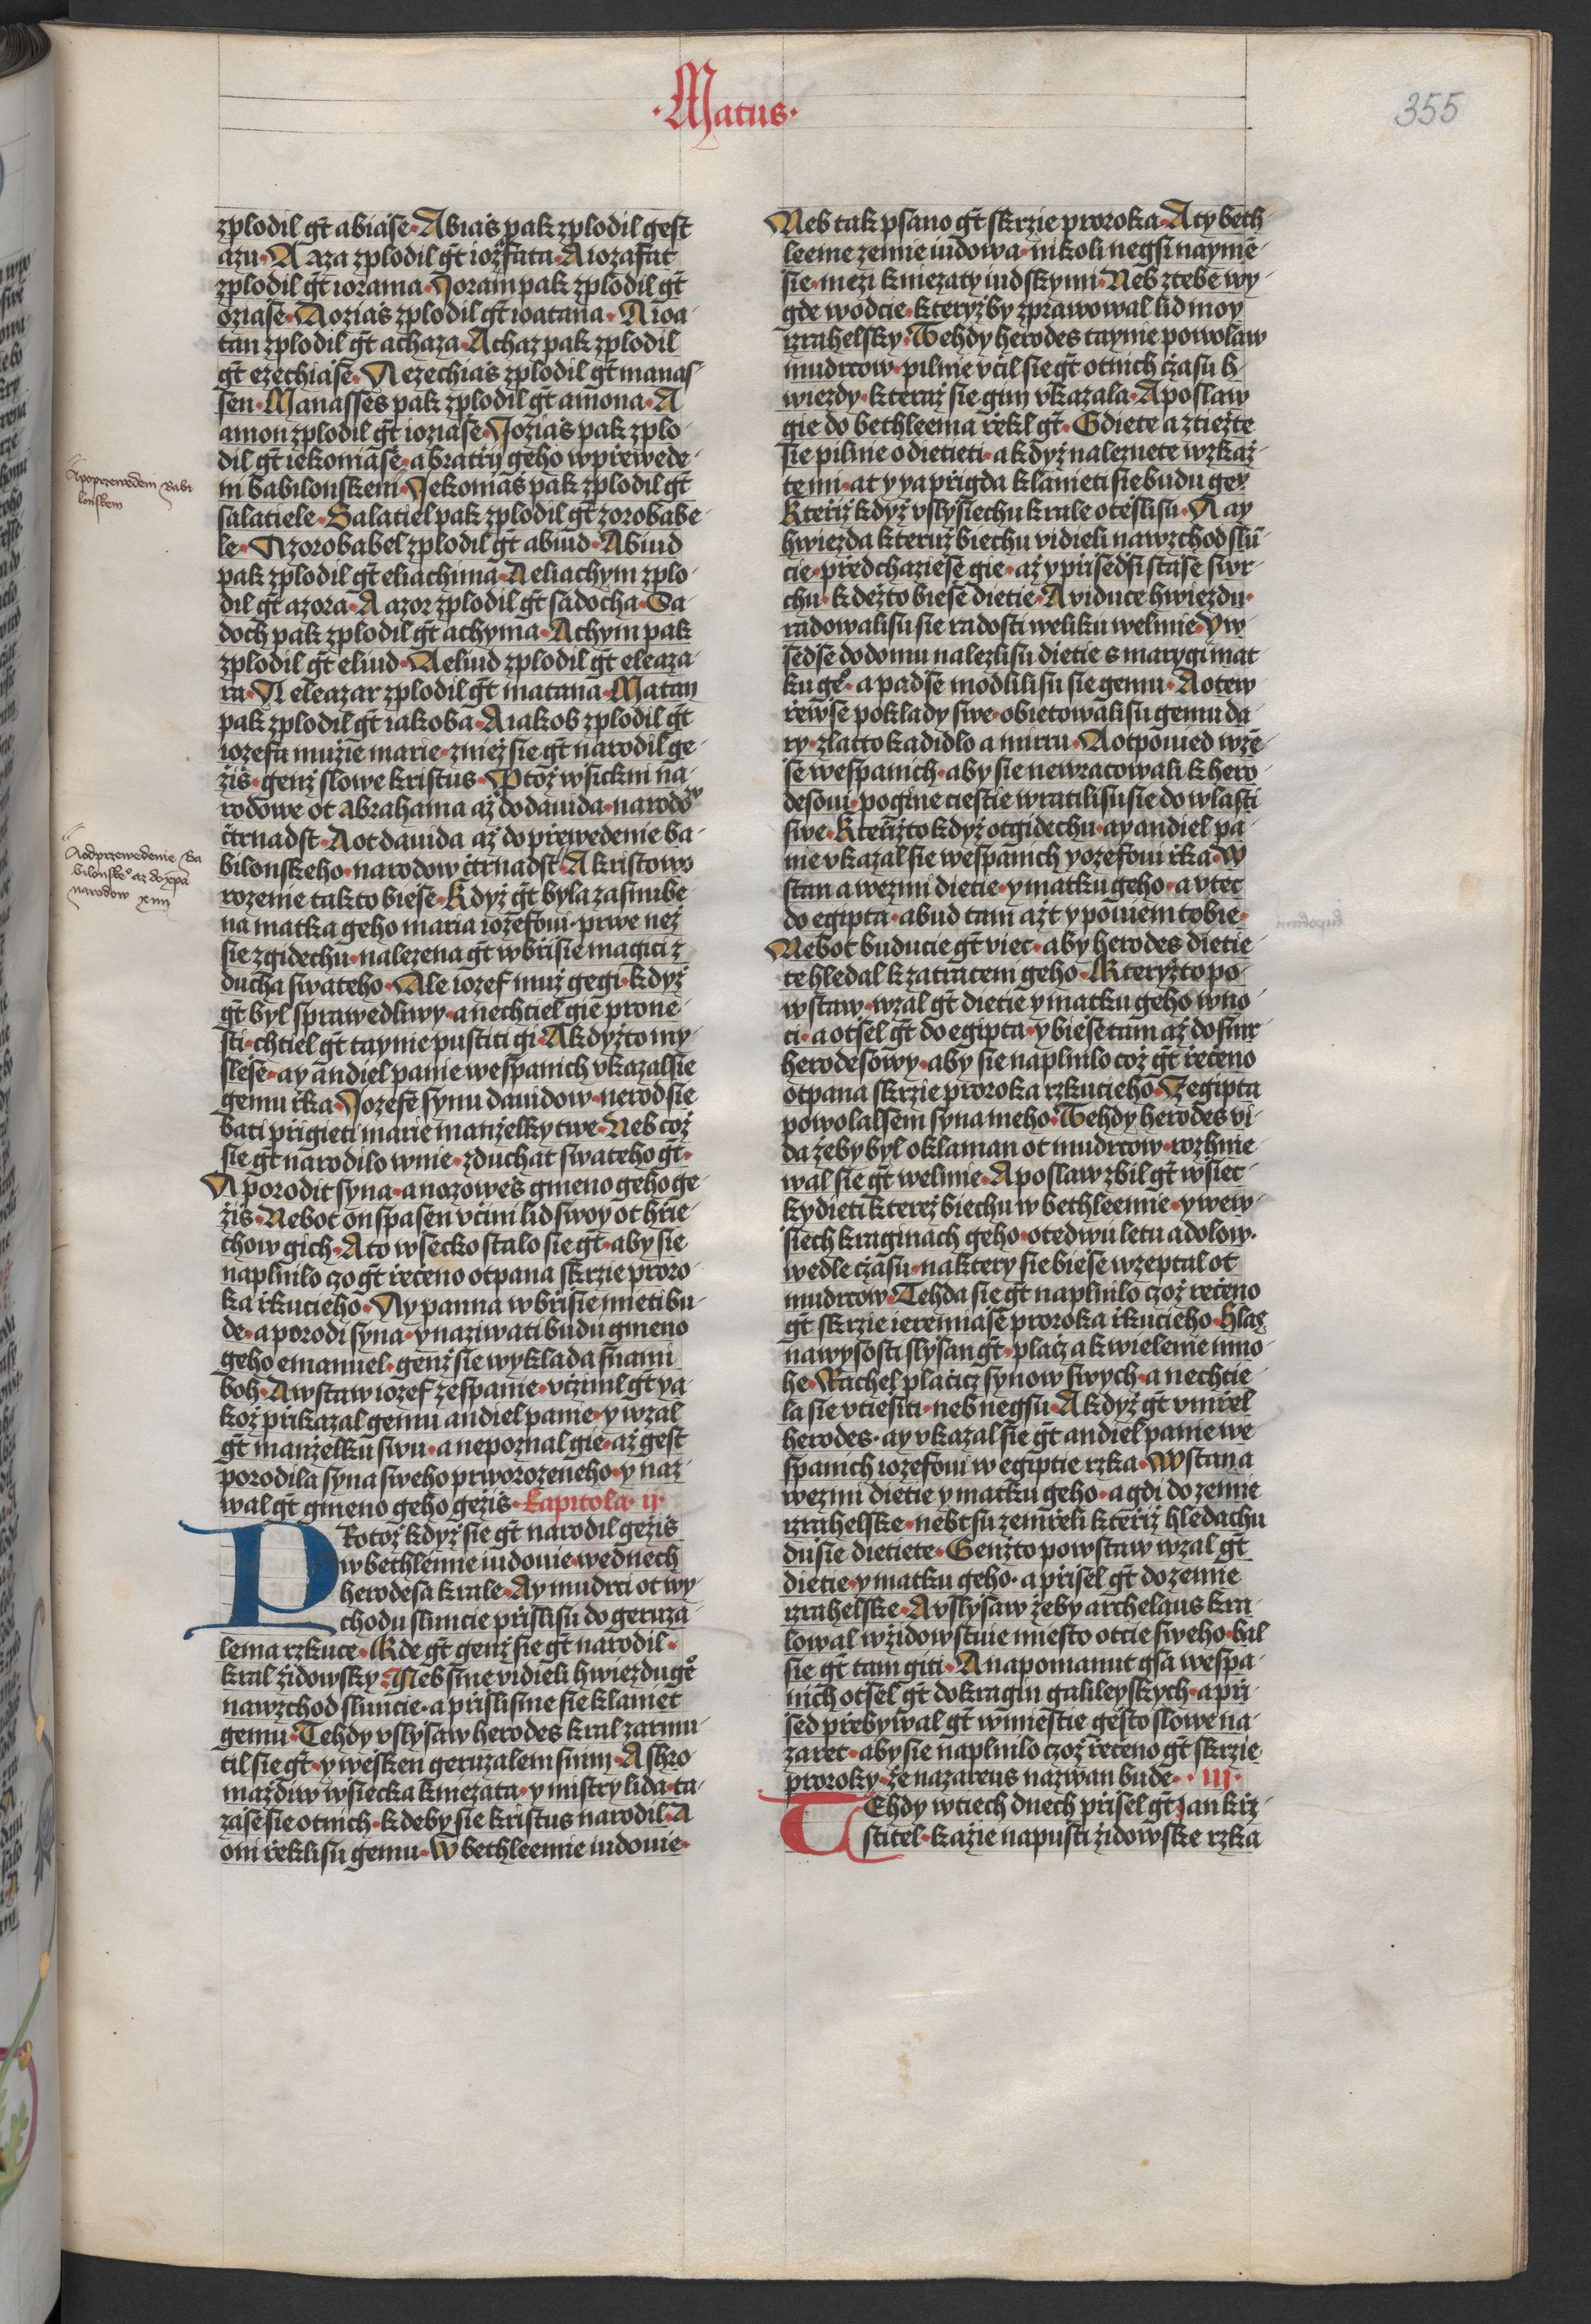.Matus.
zplodil ḡt abíaẛe.Abiaṡ pak zplodíl geſt
azu.A aza zplodil ḡt iozafatu.A iozafat
zplodil ḡt iorama.Ioram pak zplodil ḡt
oziaẛe.A ozíaṡ zplodil ḡt ioatana.A ioa¬
tan zplodil ḡt achaza.Achaz pak zplodil
ḡt ezechiaẛe.A ezechíaṡ zplodil ḡt manaſ¬
ſen.Manaſſes pak zplodil ḡt amona.A
amon zplodil ḡt ioziaẛe.Joziaṡ pak zplo¬
dil ḡt iekomíaẛe.a bratṙíj geho wpṙewede¬
ní babilonſkem.Jekoníaṡ pak zplodil ḡt
ſalatiele.Salatiel pak zplodil ḡt zorobabe
le.A zorobabel zplodil ḡt abiud.Abiud
pak zplodil ḡt eliachima.A eliachym zplo¬
dil ḡt azora.A azor zplodil ḡt ſadodocha.Sa¬
doch pak zplodil ḡt Achyma.Achym pak¬
zplodil ḡt elíud.A elíud zplodil ḡt eleaza¬
ra.A eleazar zplodil ḡt matana.Matan
pak zplodil ḡt iakoba.A iakob zplodil ḡt
iozefa mużie marie.zníeż ſie ḡt narodil ge¬
żíṡ.genż ſlowe kriſtus.ꝓtož wẛickni na¬
rodowe ot abrahama aż do dauida.narodow
čtrnadſt.A ot dauida aż do pṙewedeníe ba¬
bílonſkeho.narodow ċtrnadſt.A kriſtowo
rozeníe takto bieẛe.Kdyż ḡt byla zaſnube¬
na matka geho maria iozefoui prwe neż
ſie zgidechu.nalezena ḡt wbṙíẛíe magici z
ducha ſwateho.Ale iozef muż gegi.kdyż
ḡt byl ſprawedliwy a nechtiel gíe prone¬
ſti.chtiel ḡt taynie puſtiti gi.Akdyżto my¬
ſleẛe.ay andíel panie weſpanich ukazal ſie
gemu ṙka.Iozeſe ſynu dauidow.nerod ſie
bati pṙigieti marie manżelky twe.Neb což
ſie ḡt narodilo wnie.zduchat ſwateho ḡt.
A porodit ſyna.a nazoweṡ gmeno geho ge¬
żíṡ.Nebot on ſpaſen vċíní lid ſwoy ot hṙie¬
chow gich.A to wẛecko ſtalo ſie ḡt.aby ſie
naplnilo czo ḡt ṙeċeno otpana ſkrzie proro¬
ka ṙkucíeho.Ay panna wbṙiẛie míeti bu¬
de.a porodí ſyna.y naziwati budú gmeno
geho emanuel.genż ſie wyklada ſnami
boh.A wſtaw iozef zeſpaníe.vċzinil ḡt ya¬
koż pṙikazal gemu andiel panie.y wzal
ḡt manżelku ſwu.a nepoznal gíe.aż geſt
porodila ſyna ſweho prworozeneho.y naz¬
wal ḡt gmeno geho geżíṡ.Kapitola. ii.
Rotož kdyż ſie ḡt narodil geżiṡ
w bethlémie iudoníe.wednech
herodeſa krale.Ay mudrci ot wy¬
chodu ſluncie pṙiẛli ſú do geruza¬
lema rzkuce.Kde ḡt genż ſie ḡt narodil.
kral żidowſky?Neb ſme vidieli hwíezdu geo
nawzchod ſluncie.a pṙiẛli ſme ſie klaníet
gemu.Tehdy vſlyẛaw herodes kral zarmu¬
til ſie ḡt.y weẛken geruzalem ſnim.A ſhro¬
mażdíw wẛiecka kníezata.y miſtry lida.ta¬
zaẛe ſie otnich.kdeby ſie kriſtus narodíl.A
oni ṙekli ſu gemu.W bethleemie iudouíe.
Neb tak pſano ḡt ſkrzie proroka.A ty beth¬
leeme zemie iudowa.nikoli negſi naymíe¬
ẛie.mezi kniezaty iudſkymi. Neb ztebe wy¬
gde wodcie.kteryż by zprawowal lid moy
izrahelſky.Tehdy herodes taynie powolaw
mudrrow.pilnie uċil ſie ḡt otních cżaſu h¬
wiezdy.kteraż ſie gim vkazala.Apoſlaw
gie do bethleema ṙekl ḡt.Gdíete a ztieżte
ſie pilnie o dietieti.akdyż naleznete wzkaż¬
te mi.at y ya pṙígda klaníeti ſie budu gev
Kteṙíż kdyż vſlyẛiechu krale oteẛli ſu.A ay
hwiezda kteruż biechu vidieli nawzchod ſlū¬
cie.pṙedchazieẛe gie.aż y pṙiẛedẛi ſtaẛe ſwr¬
chu.kdeżto bieẛe díetie.A viduce hwiezdu.
radowaliſu ſie radoſtí welikú welmie.Y w¬
ẛedẛe do domu nalezli ſu dietie s marygí mat¬
ku ḡeo a padẛe modlili ſu ſie gemu.Aotew¬
ṙewẛe poklady ſwe.obietowaliſu gemu da¬
ry.zlatto kadidlo a mirru.A otpouied wzē¬
ẛe weſpanich.aby ſie newracowali k hero¬
deſoui.pogine cieſtie wratilí ſú ſíe do wlaſti
ſwe.Kteṙiżto kdyż otgidechu.ay andiel pa¬
nie vkazal ſie weſpaních yozeſoui ṙka.W¬
ſtan a wezmi dietie.ymatku geho.a vtec
do egipta.abud tam ażt y pouíem tobie.
Nebot buducíe ḡt viec.aby herodes díetie¬
te hledal k zatracení geho.Kteryżto po¬
wſtaw.wzal ḡt díetíe y matku geho wno¬
ci.a otẛel ḡt do egipta.y bieẛe tam aż doſmr¬
herodeſowy.aby ſie naplinilo coż ḡt ṙeċeno
otpana ſkrzie proroka rzkucieho.Zegipta
powolal ſem ſyna meho.Tehdy herodes ui¬
da żeby byl oklaman ot mudrcow.rozhnie¬
wal ſie ḡt welmie.A poſlaw zbil ḡt wẛiec¬
ky dieti ktereż biechu w bethleemie.ywew¬
ẛiech kraginach geho.otedwú letu a dolow.
wedle cżaſu.naktery ſie bíeẛe wzeptal ot
mudrcow.Tehda ſie ḡt naplnilo czoż ṙeċeno
ḡt ſkrze ieremiaẛe proroka ṙkucieho.Hlas
na wyſoſti ſlyẛan ḡt.plaċz a kwíelenie mno¬
he.Rachel plaċicz ſynow ſwych.a nechtie¬
la ſie vtieẛiti.neb negſu.A kdyż ḡt vmṙel
herodes.ay vkazalſie ḡt andiel panie we
ſpanich iozefoui w egiptie rzka.Wſtan a
wezmi dietie y matku geho.a gdi do zemie
izrahelſke.nebt ſu zemṙeli kteṙíż hledachu
duẛie dietiete.Genżto powſtaw wzal ḡt
dietie.y matku geho.a pṙiẛel ḡt do zemie
izrahelſke.A uſlyẛaw żeby archelaus kra¬
lowal wżidowſtuie míeſto otcie ſweho.bal
ſie ḡt tam giti.A napomanut gſa weſpa¬
ních otẛel ḡt dokragin galileyſkych.a pṙi¬
ẛed pṙebywal ḡt vmieſtie geẛto ſlowe na¬
zaret.aby ſie naplnilo czoż ṙeċeno ḡt ſkrzie
proroky.że nazareus nazwan bude..iij.
Ehdy w tiech dnech pṙiẛel ḡt Jan kṙz¬
ſtitel. każie napuẛti żidowſke rzka¬